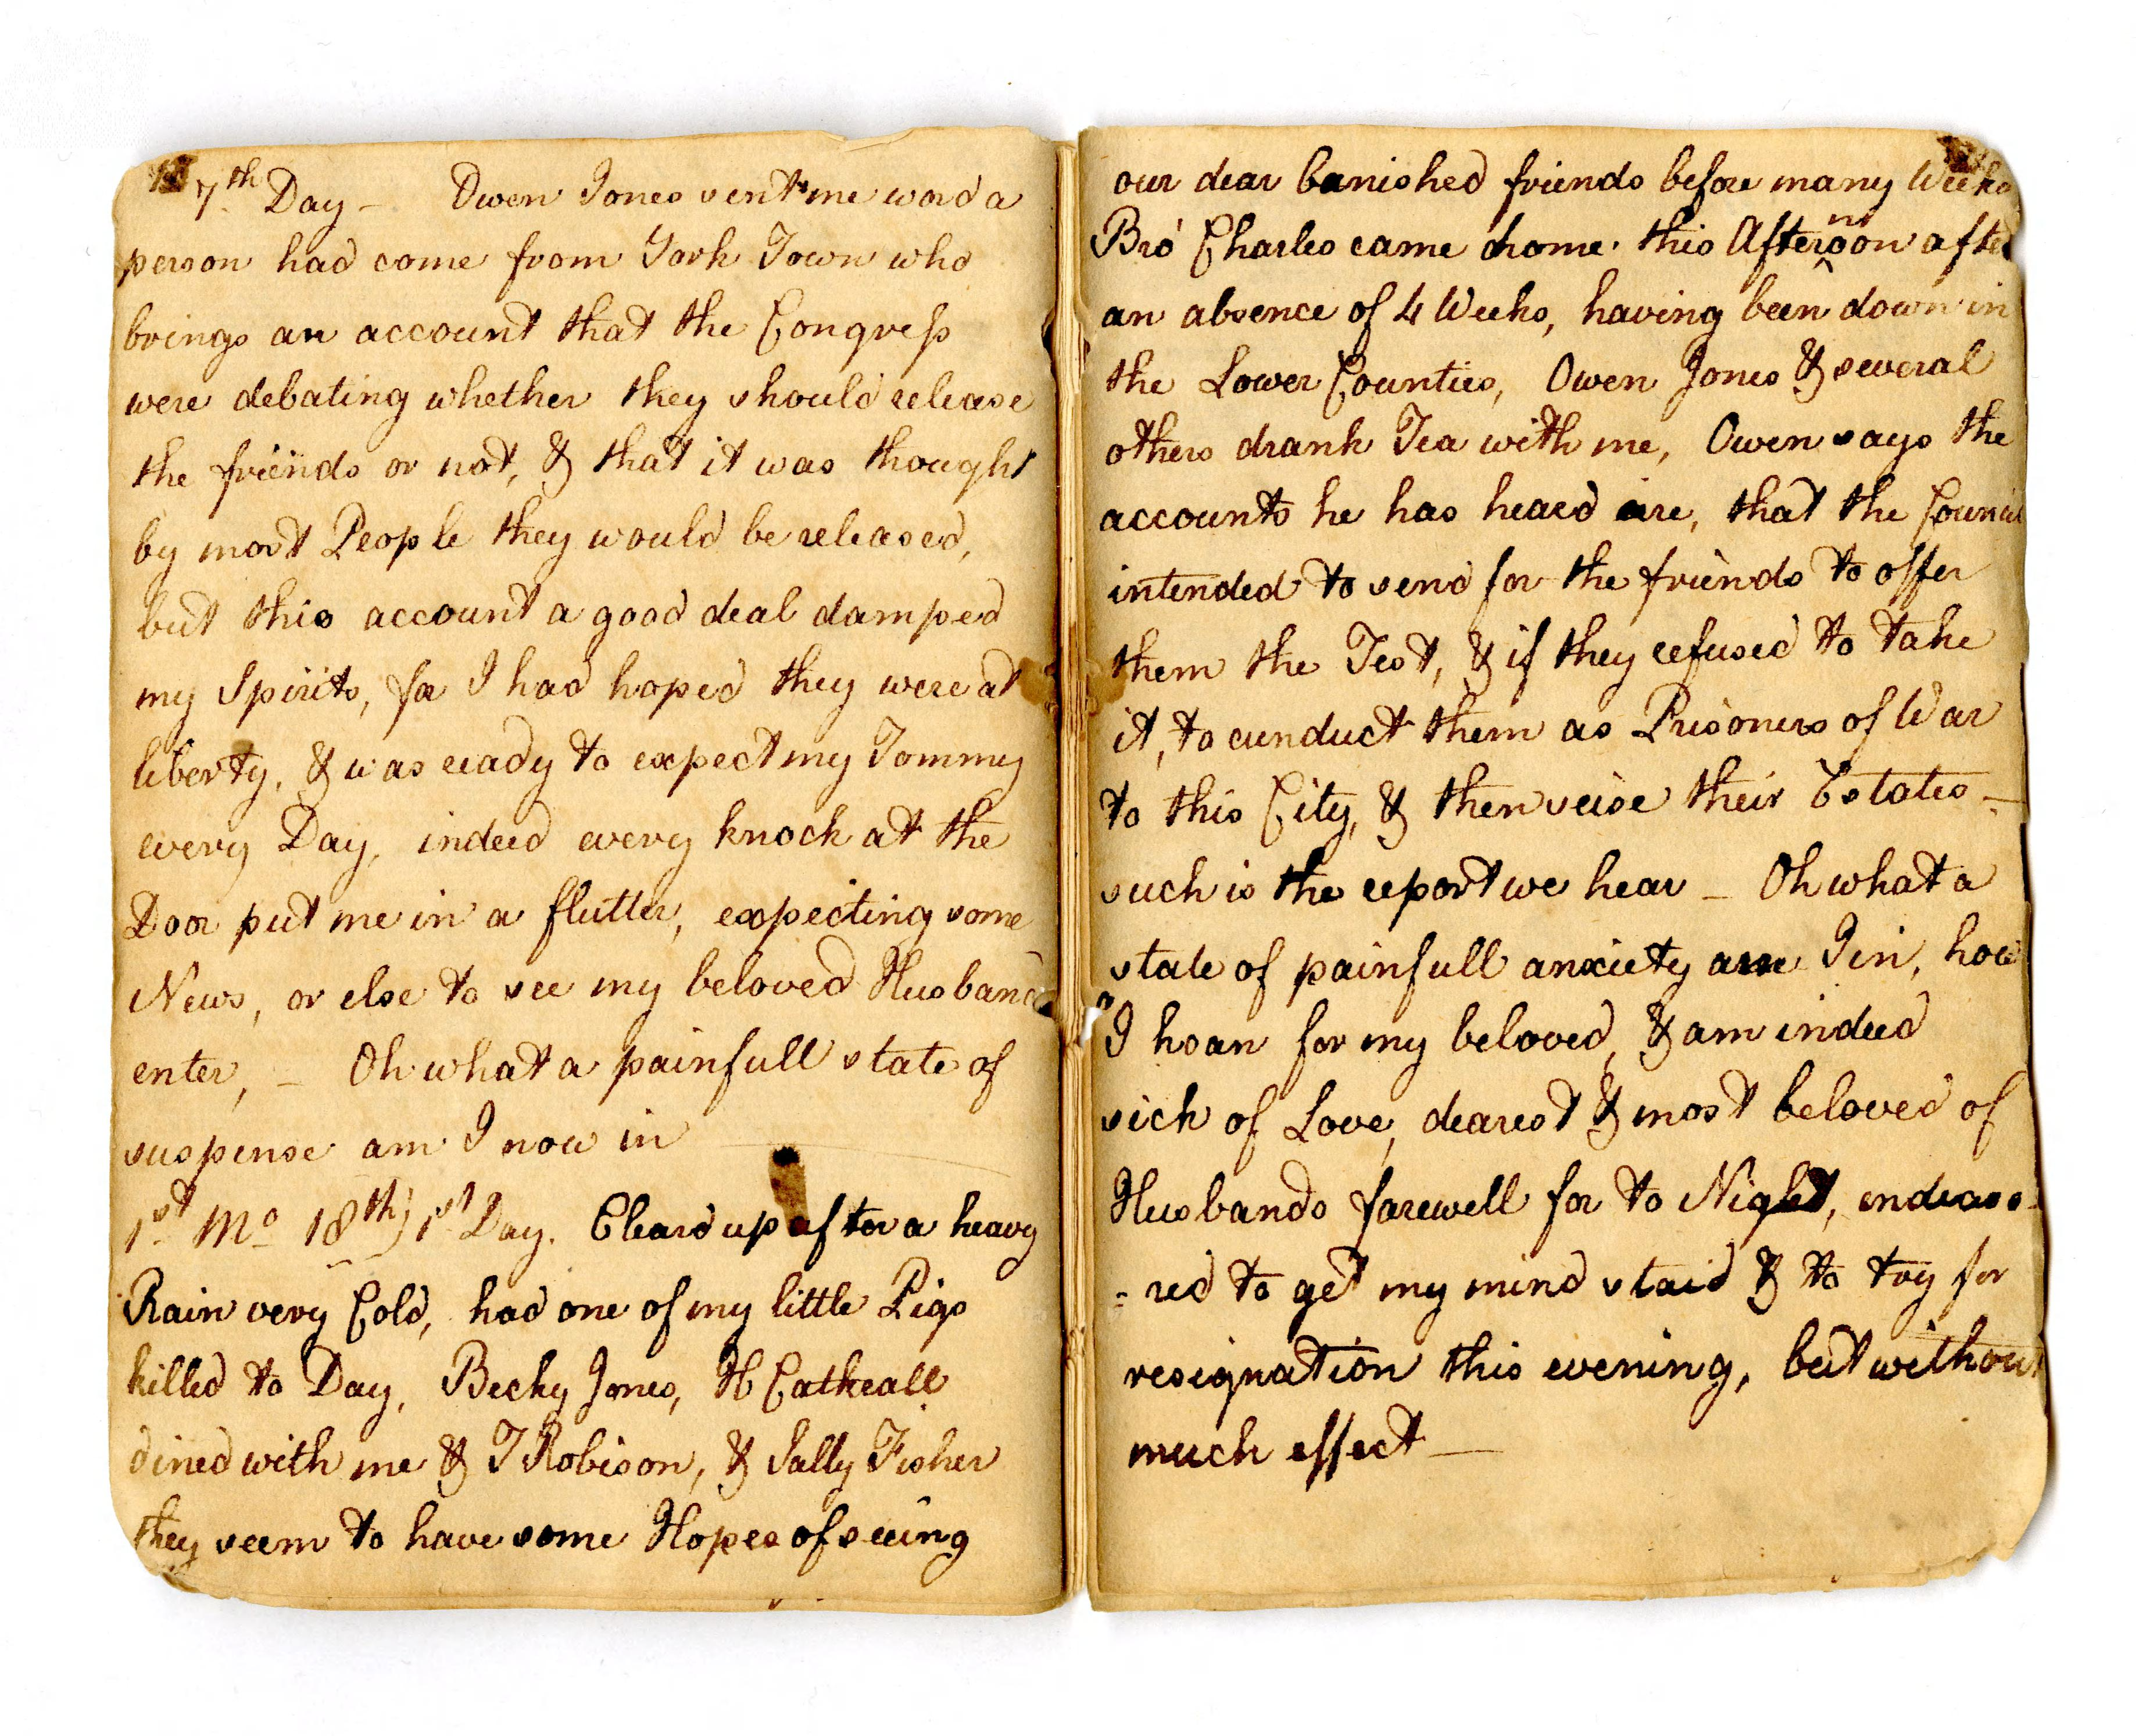70
7^th Day. Owen Jones sent me word a
person had come from York Town who
brings an account that the Congress
were debating whether they should release
the friends or not, & that it was thought
by most People they would be released,
but this account a good deal damped
my Spirits, for I had hoped they were at
liberty, & was ready to expect my Tommy
every Day, indeed every knock at the
Door put me in a flutter, expecting some
News, or else to see my beloved Husband
enter,- Oh what a painfull state of
suspense am I now in
1^st M^o 10^th) 1^st Day. Cleard up after a heavy
Rain very Cold, had one of my little Pigs
killed to Day, Becky Jones, H Cathrall
dined with me & T Robison, & Sally Fisher
they seem to have some Hopes of seeing
our dear banished friends before many Weeks
Bro' Charles came home, this After ^n oon after
an absence of 4 Weeks, having been down in
the Lower Counties. Owen Jones & several
others drank Tea with me, Owen says the
accounts he has heard are, that the Counccil
intended to send for the friends to offer
them the Test, & if they refused to take
it, to cunduct them as Prisoners of War
to this City, & then seise their Estates-
such is the report we hear,- Oh what a
state of painfull anxiety am I in, how
I hoan for my beloved & am indeed
sick of Love, dearest & most beloved of
Husbands farewell for to Night, endeavo
-red to get my mind staid & to try for
resignation this evening, but without
much effect-